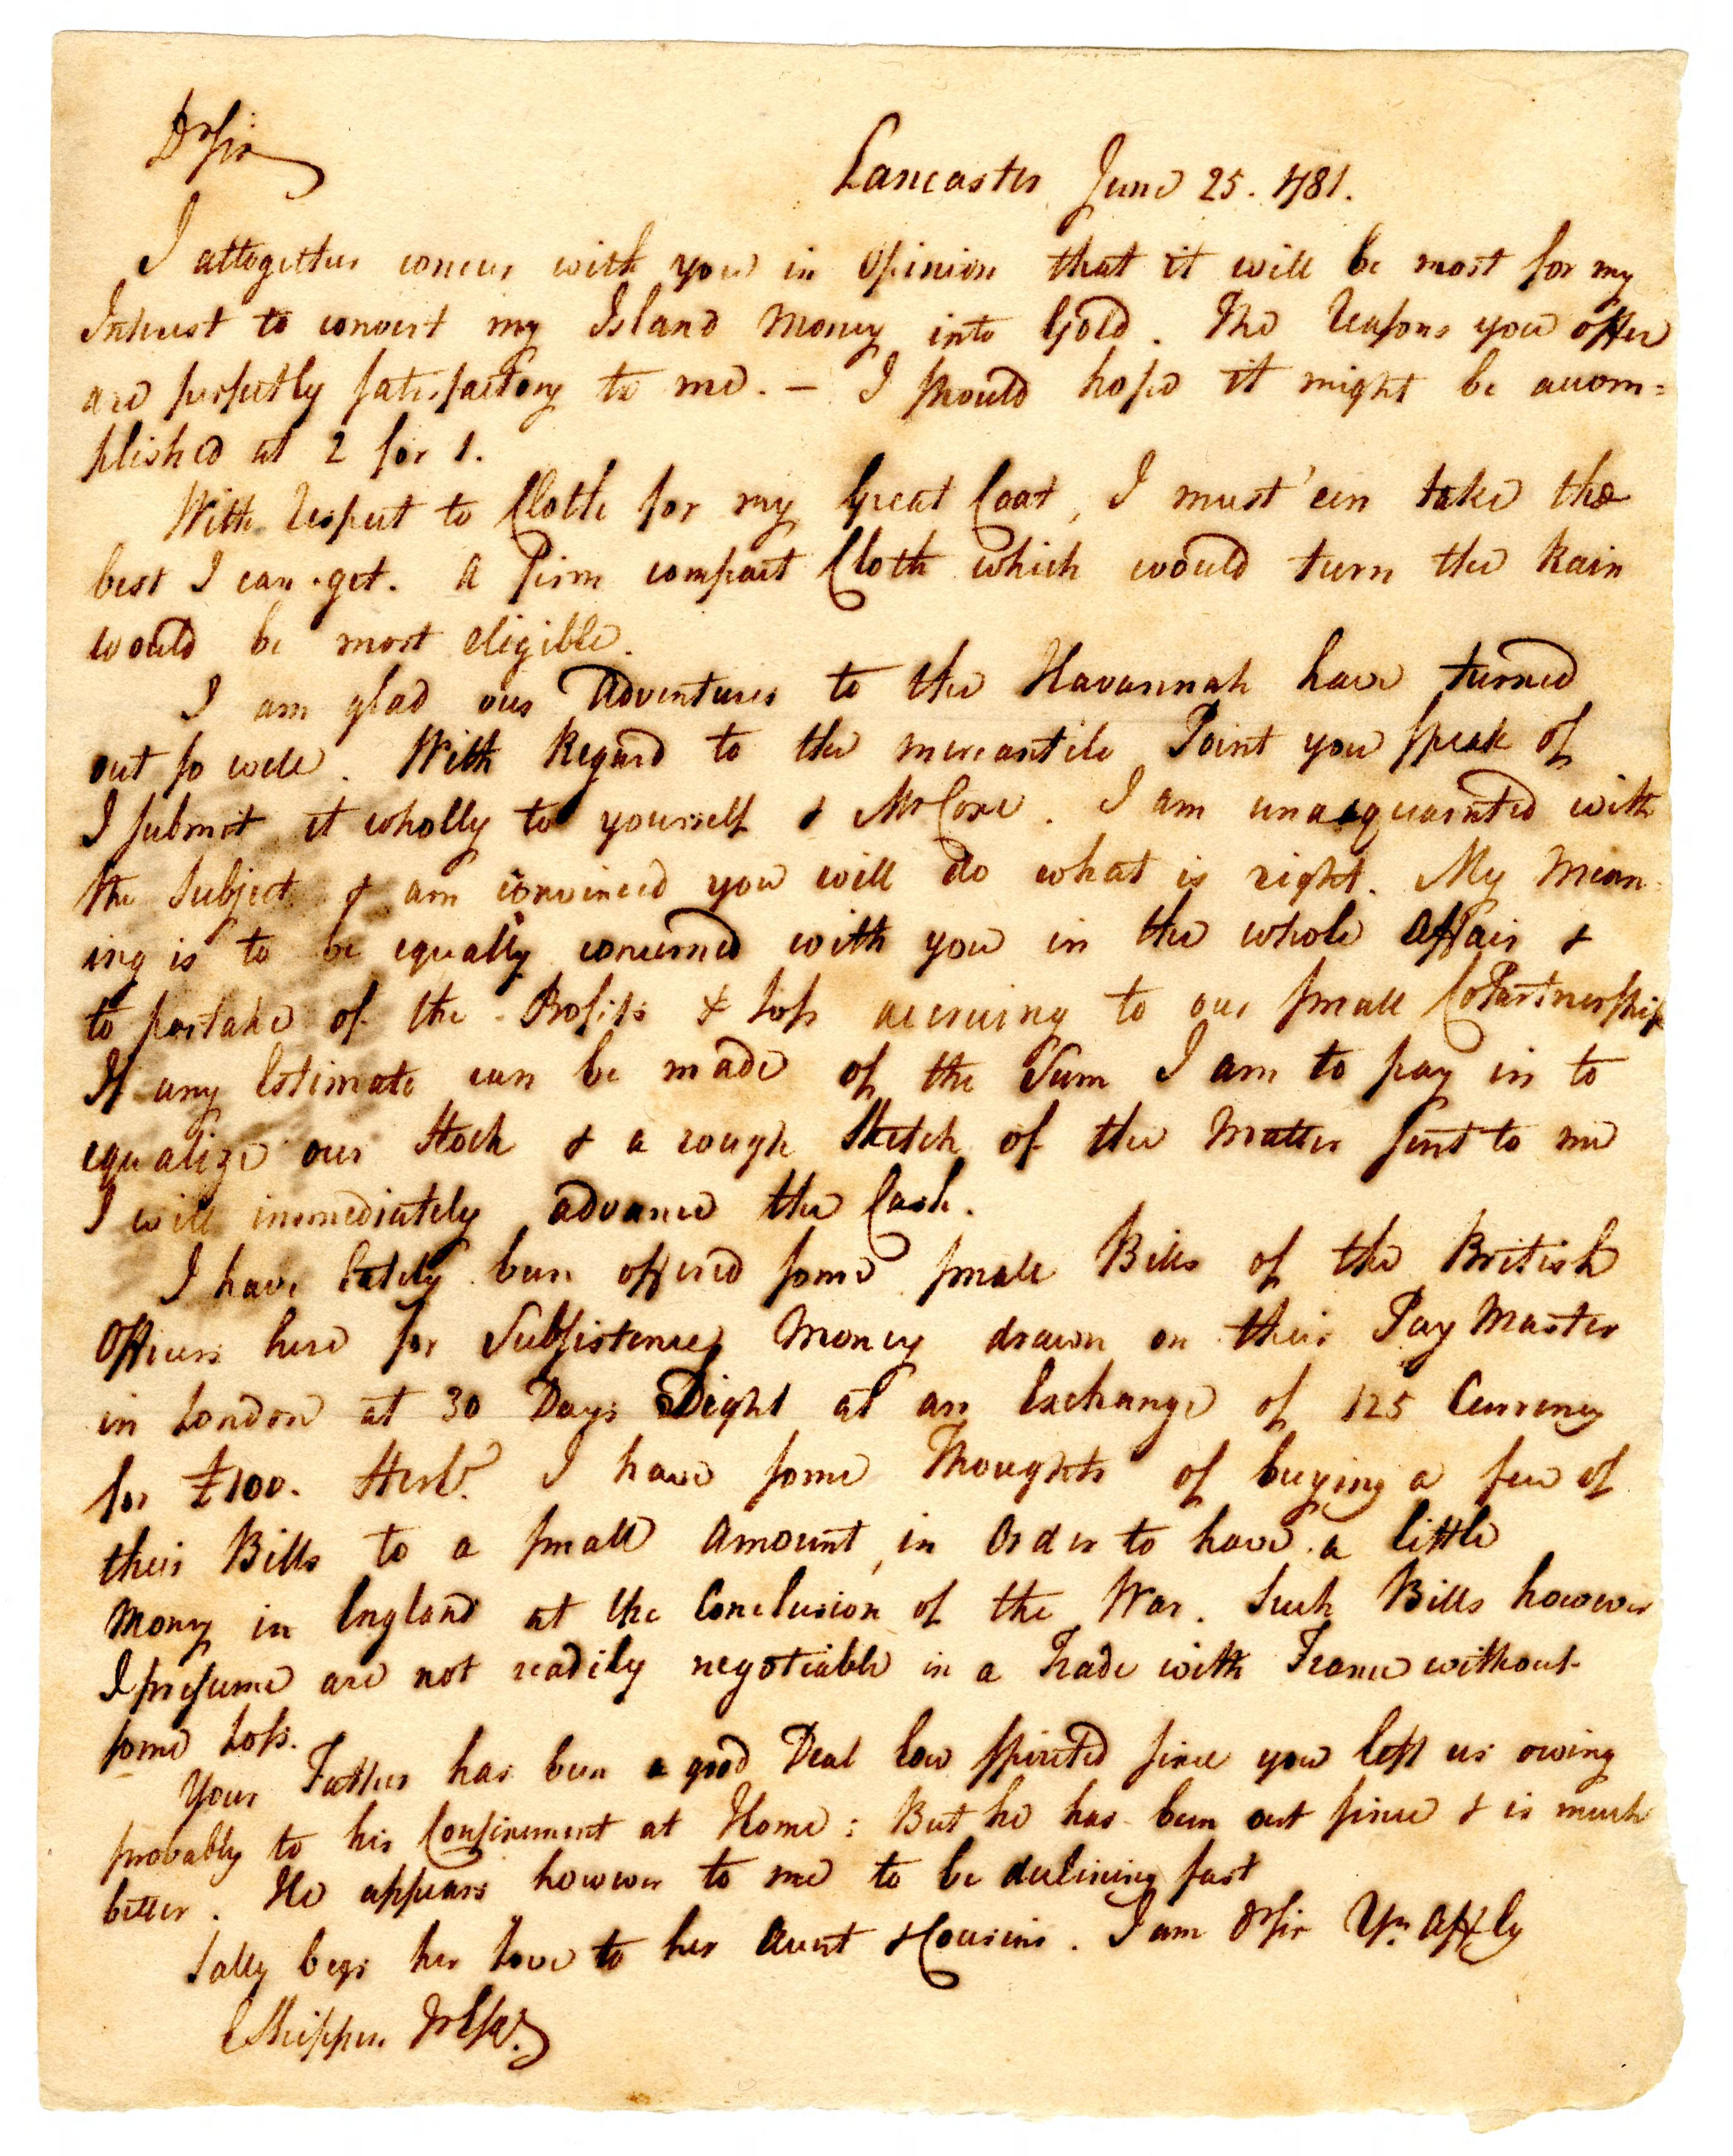Lancaster June 25 1781
D^r Sir
I altogether concur with you in opinion that it will be most for my
Interest to convert my Island money into Gold. The Reasons you offer
ard perfectly satisfactory to me. I should hope it might be accom-
-plished at 2 for 1.
With respect to Cloth for my Great Coat, I must' un take the
best I can get. A firm compart Cloth which could turn the Rain
would be most eligible.
I am glad our Adventures to the Havannah have turned
out so well. With Regard to the mercantile Point you speak of
I submit, it wholly to yourself & M^r Coxe. I am unacquainted with
the Subject & am convinced you will do what is right. My mean-
-ing is to be equally concerned with you in the whole Affair &
to partake of the Profits & but accruing to our small Co-Partnership
If any Estimate can be made of the Sum I am to pay in to
equalize our Stock & a rough Sketch of the Matter Send to me
I will immediately advance the Cash.
I have lately been offered some small Bills of the British
Officers here for Subsistence Money, drawn on their Pay Master
in London at 30 Days Dight at an Exchange of 125 Currency
for £100 Sterl. I have some thoughts of buying a few of
their Bills to a small Amount in Order to have little
Money in England at the Conclusion of the War. Such Bills however
I presume are not readily negotiable in a Trade with France without
some Loss.
Your Father has been a good Deal low spirited since you left us owing
probably to his Confinement at Home: But he has been out since & is much
better. He appears however to me to be declining fast
Sally begs her Love to her Aunt & Cousins.
I am D^r Sir Y^r Affly.
E Shippen J. Esq^r